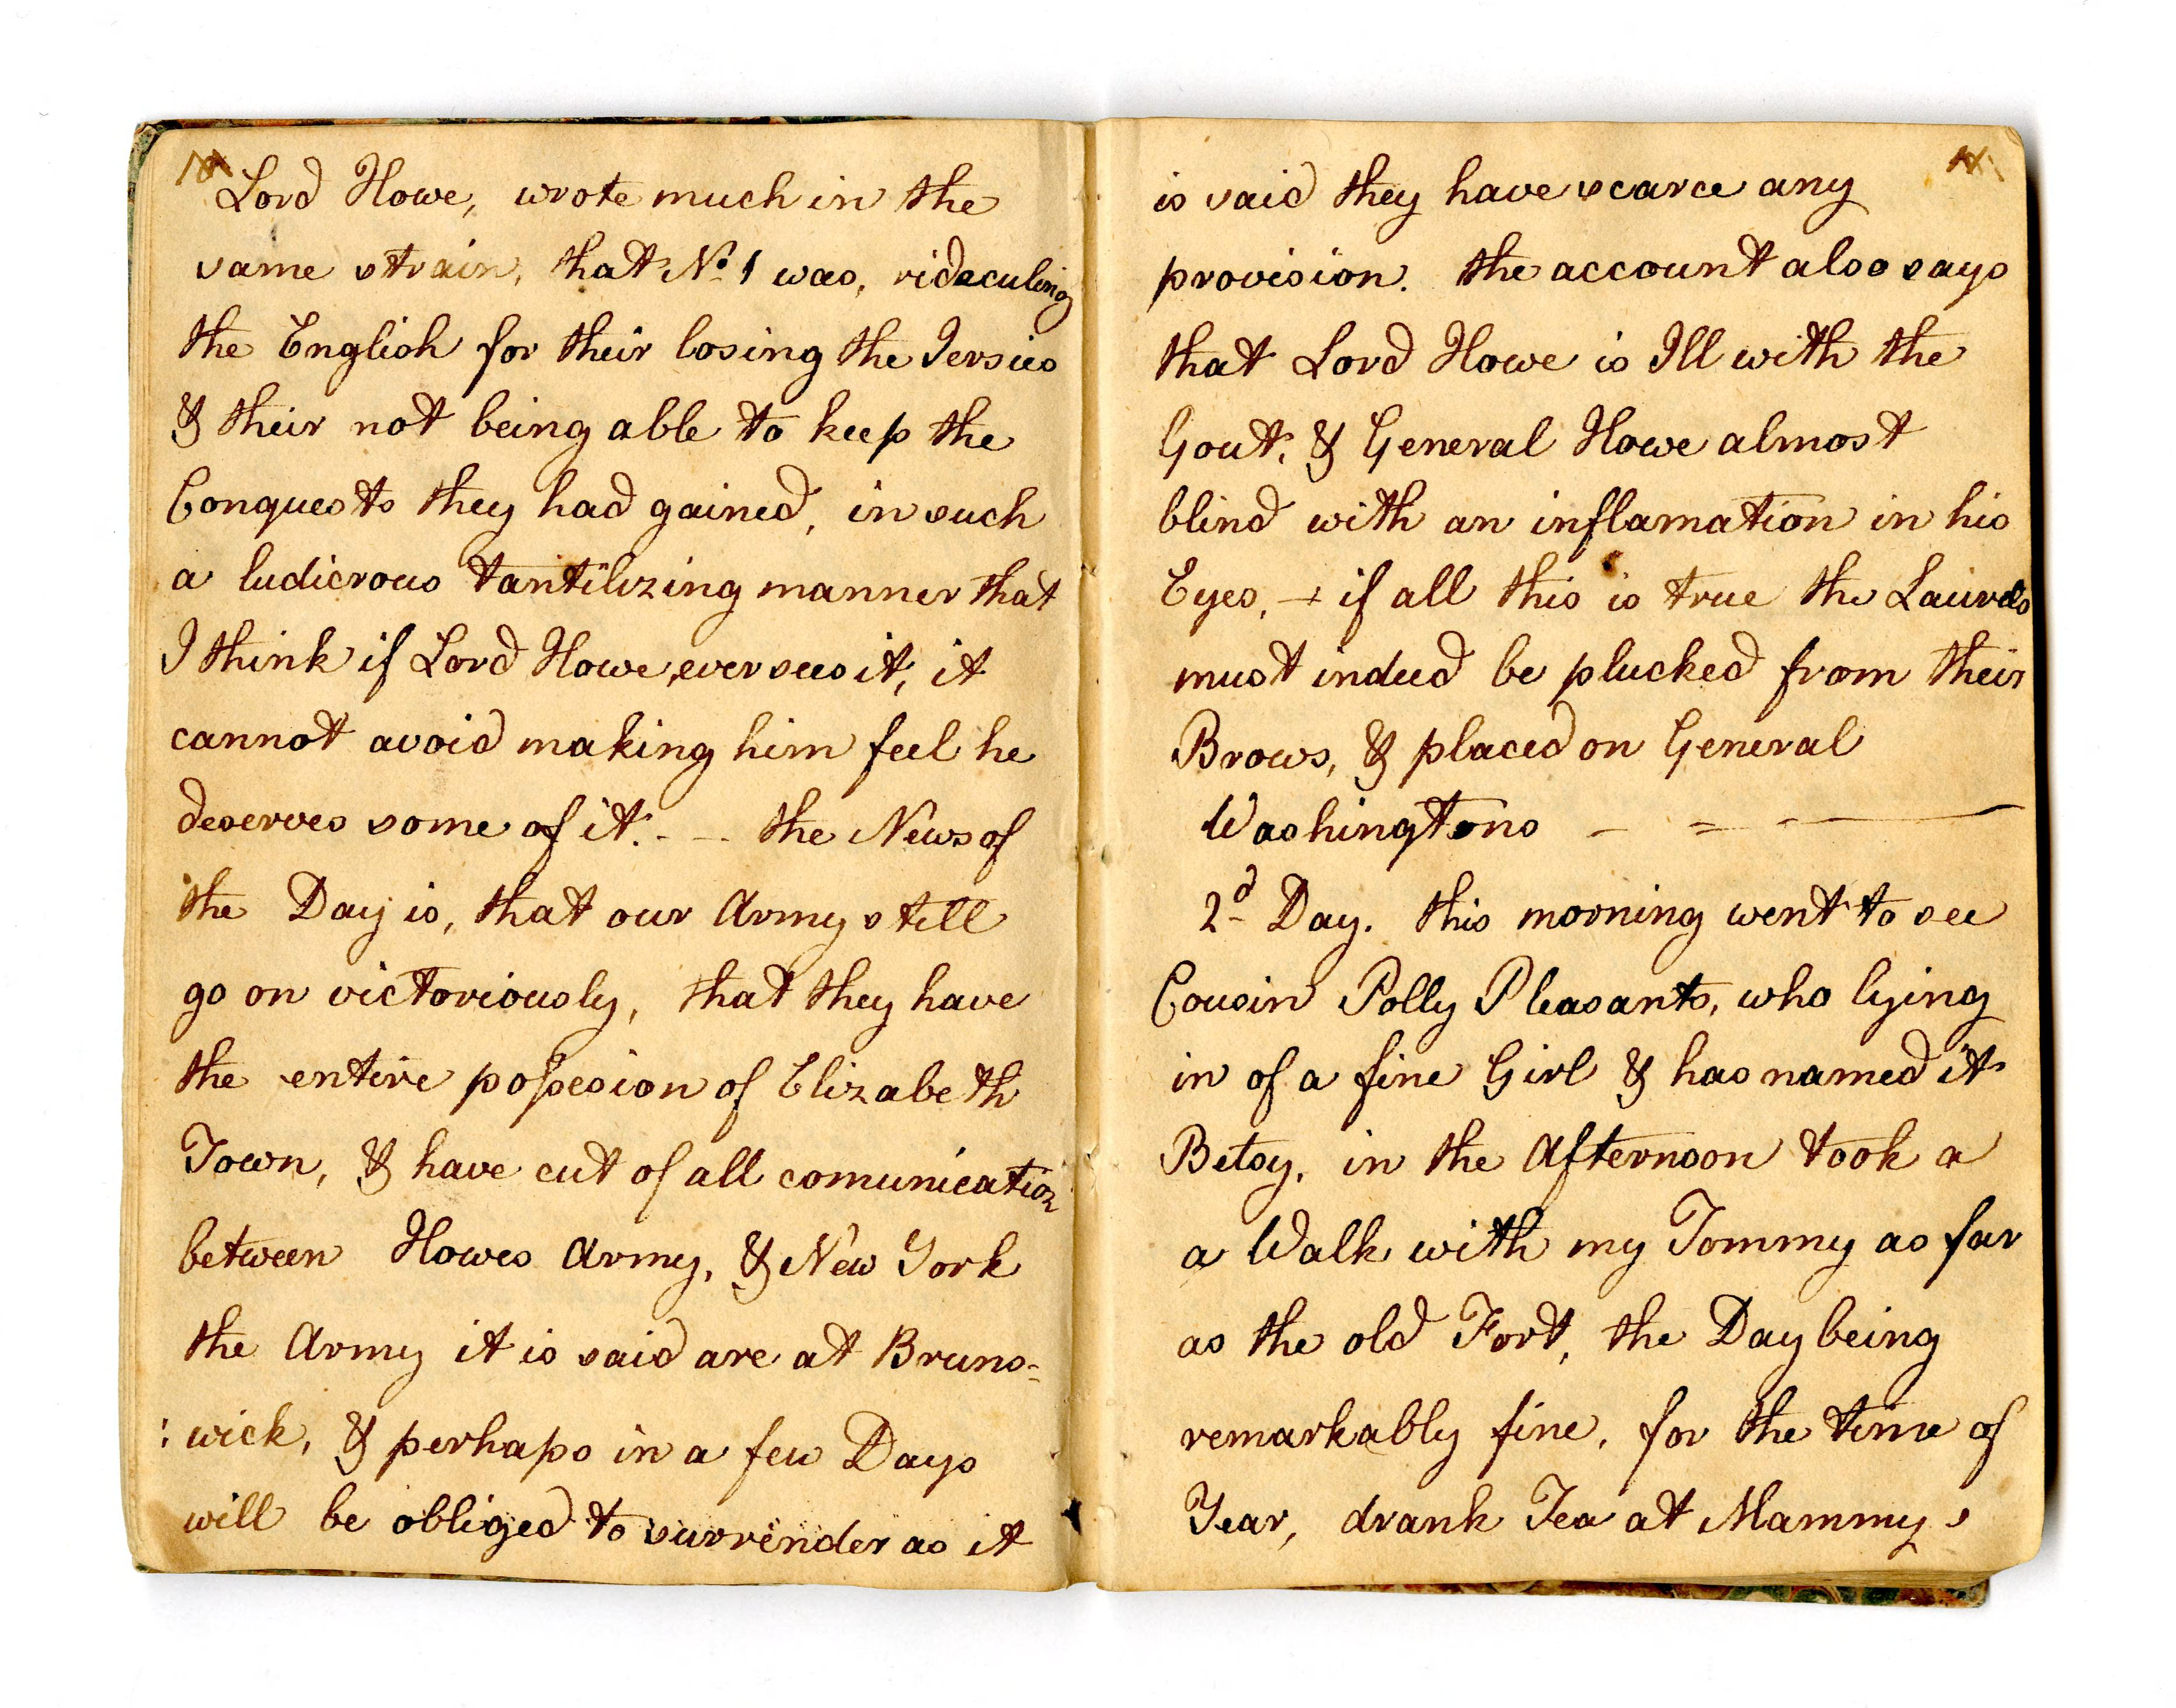Lord Howe, wrote much in the
same strain, that N^o 1 was, rideculing
the English for their losing the Jersies
& their not being able to keep the
Conquests they had gained, in such
a ludicrous tantilizing manner that
I think if Lord Howe ever sees it, it
cannot avoid making him feel he
deserves some of it.- the News of
the Day is, that our Army still
go on victoriously, that they have
the entire possesion of Elizabeth
Town, & have cut of all communication
between Howes Army, & New York
the Army it is said are at Bruns-
-wick, & perhaps in a few Day s
will be obliged to surrender as it
is said they have scarce any
provision. the account also says
that Lord Howe is Ill with the
Gout, & General Howe almost
blind with an inflamation in his
Eyes.- if all this is true the Laurels
must indeed be plucked from their
Brows, & placed on General
Washingtons-
2^d Day, this morning went to see
Cousin Polly Pleasants, who lying
in of a fine Girl & has named it
Betsy. in the Afternoon took a
a Walk with my Tommy as far
as the old Fort, the Day being
remarkably fine, for the time of
Year, drank Tea at Mammys